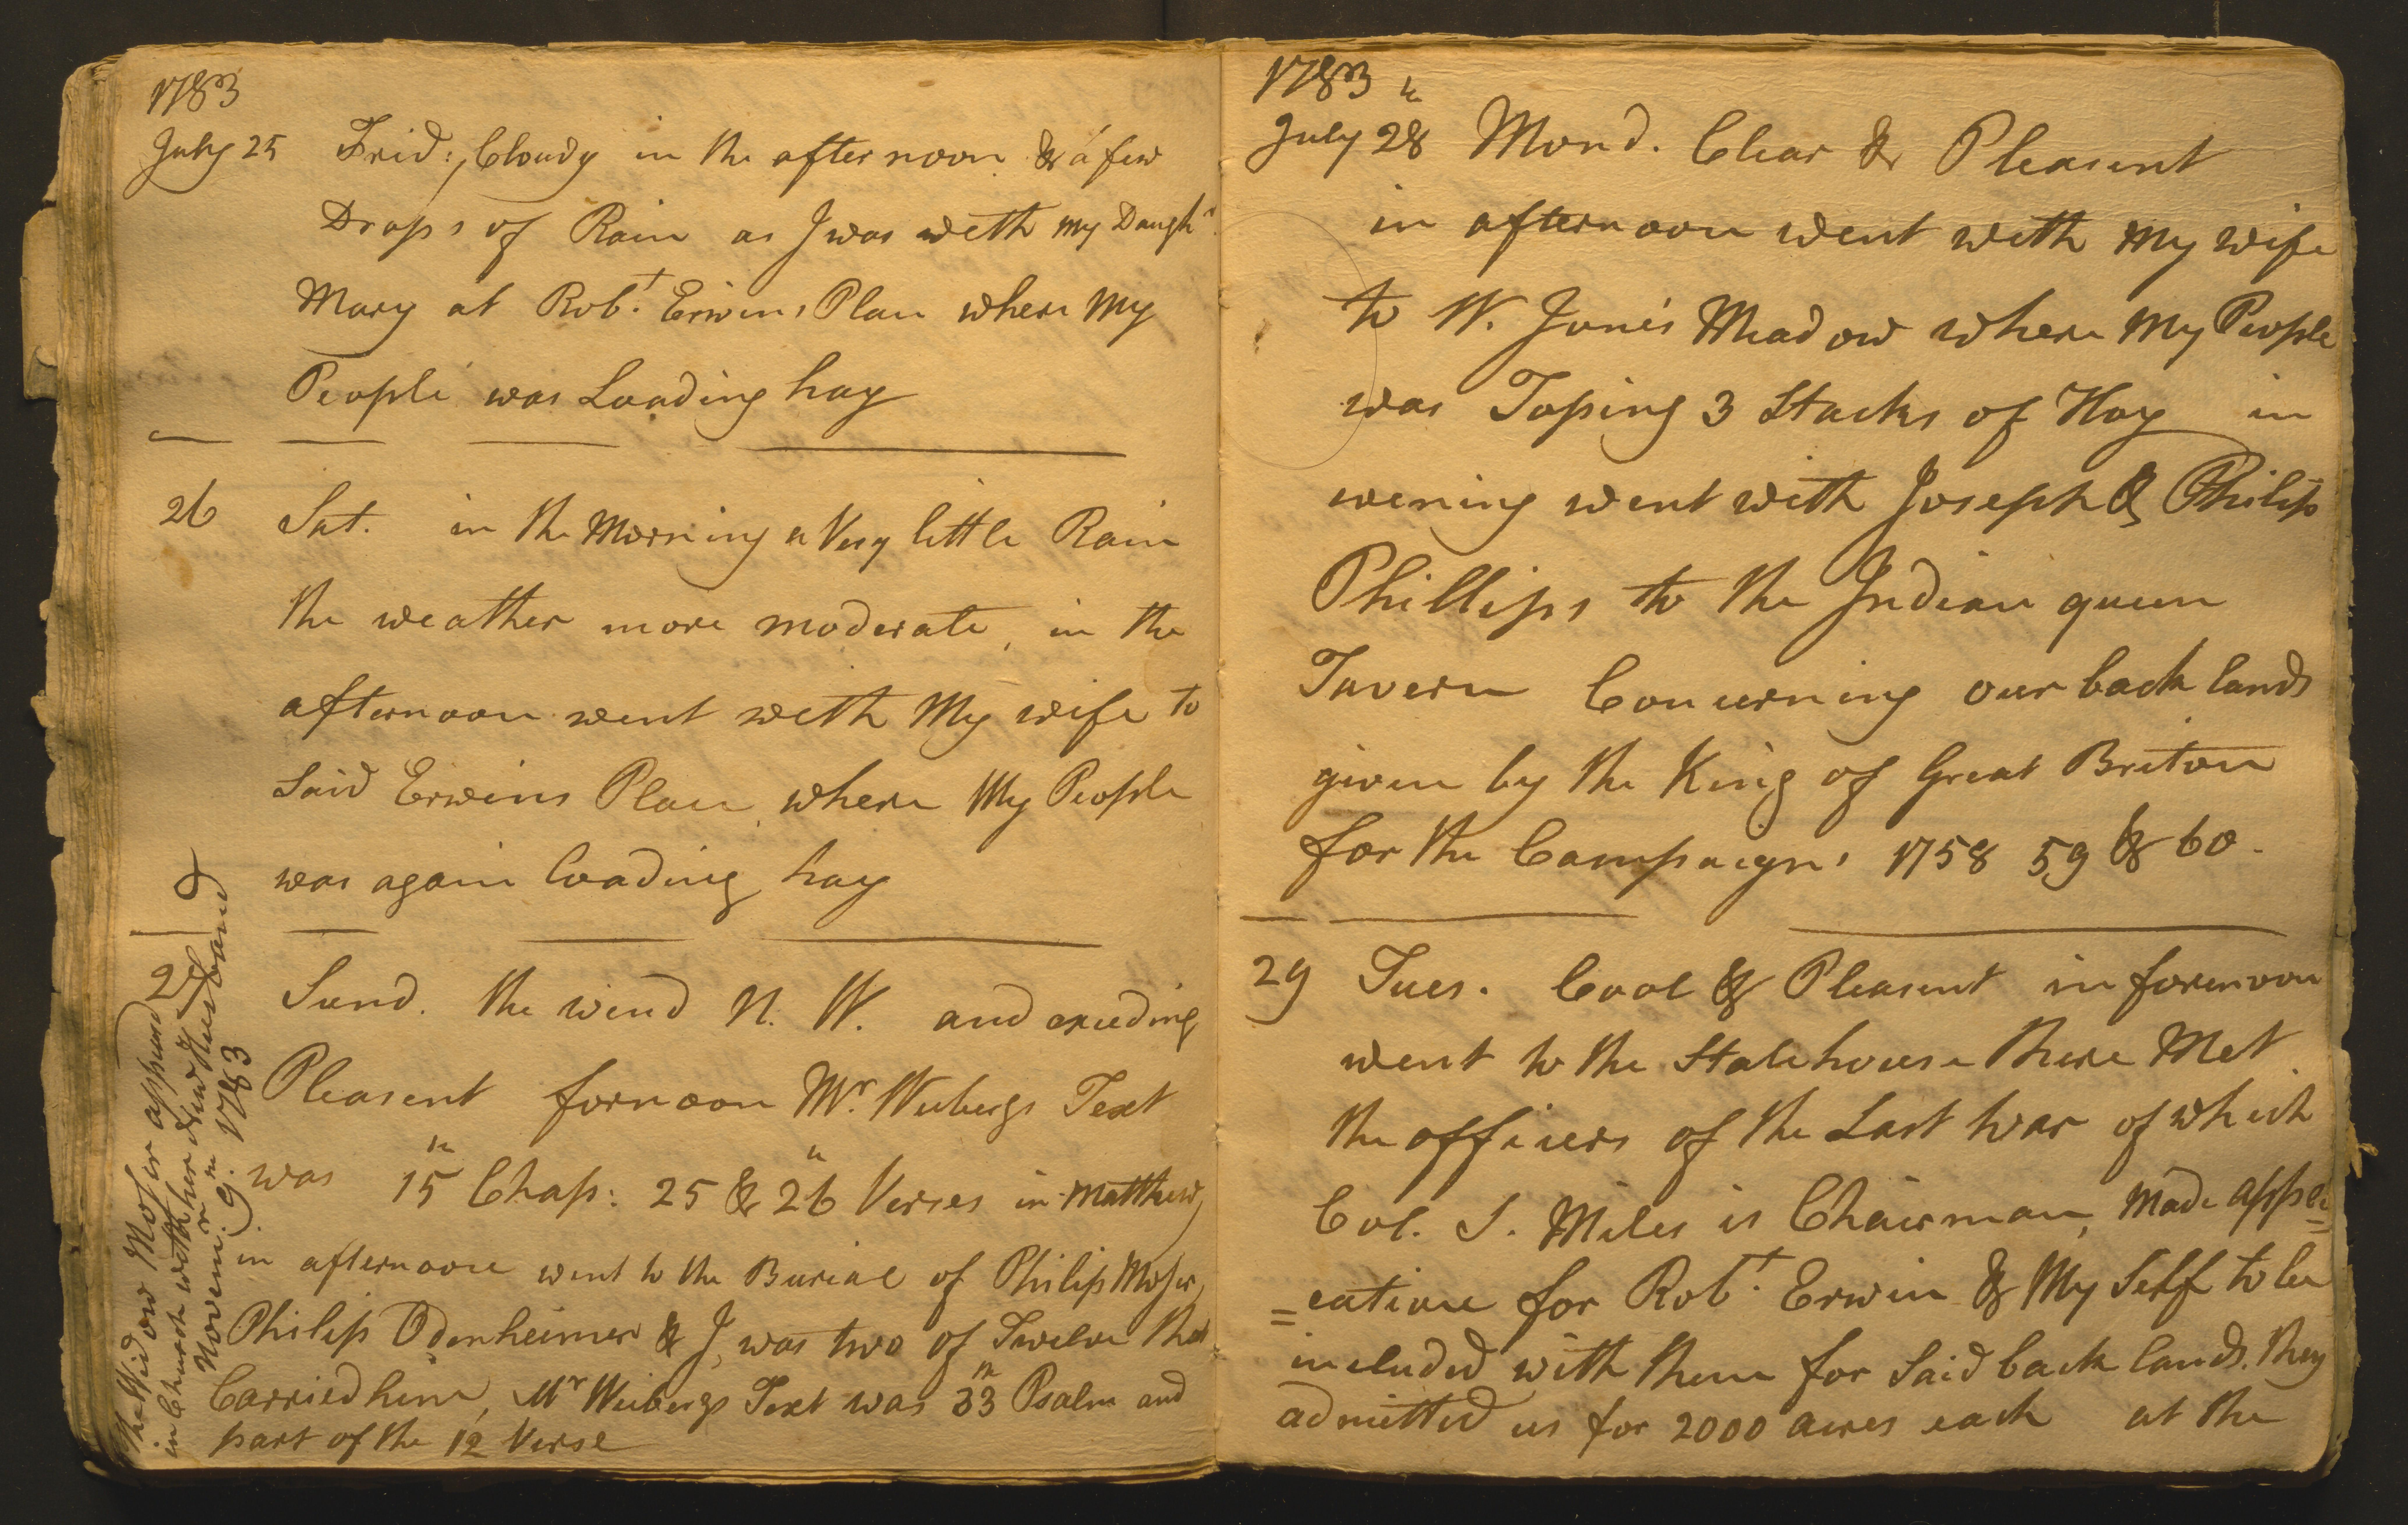1783
July 25 Frid:, Cloudy in the afternoon & a few
Drops of Rain as I was with my Daugh^r.
Mary at Rob^t. Erwins Plan where My
People was Loading hay
26 Sat. in the Morning a Very little Rain
the weather more moderate in the
afternoon went with My wife to
said Erwins Place where My People
was again loading hay
27
Sund. the wind M W. and exceding
Pleasent fornoon M^r. Weibergs Text
was 15^th Chap. 25 & 26^th Verses in matthew
in afternoon went to the Burial of Philip Moser
Philip Odenheimer & I was two of Trauler the
Carried hine, M^r Weibergs Text was 33^th Psalm and
part of the 12 Verse
the Widow Moser appeare
in Church with her New Husband
Novem^r. 9^th. 1783
1783
July 28^th Mond. Clear & Pleasent
in afternoon went with My wife
to W. Jone's Meadow where My People
was Toping 3 Stacks of Hay in
evening went with Joseph & Philip
Phillips to the Indian queen
Tavern Concerning our back lands
given by the King of Great Briton
for the Campaigns 1758 59 & 60-
29 Tues. Cool & Pleasent in forenoon
went to the State house there Met
the officers of the Last war of which
Col. S. Miles is Chairman Made Appli-
cation for Rob^t. Erwin & My self to be
iniluded with them for said back lands they
admitted us for 2000 acres cack at the